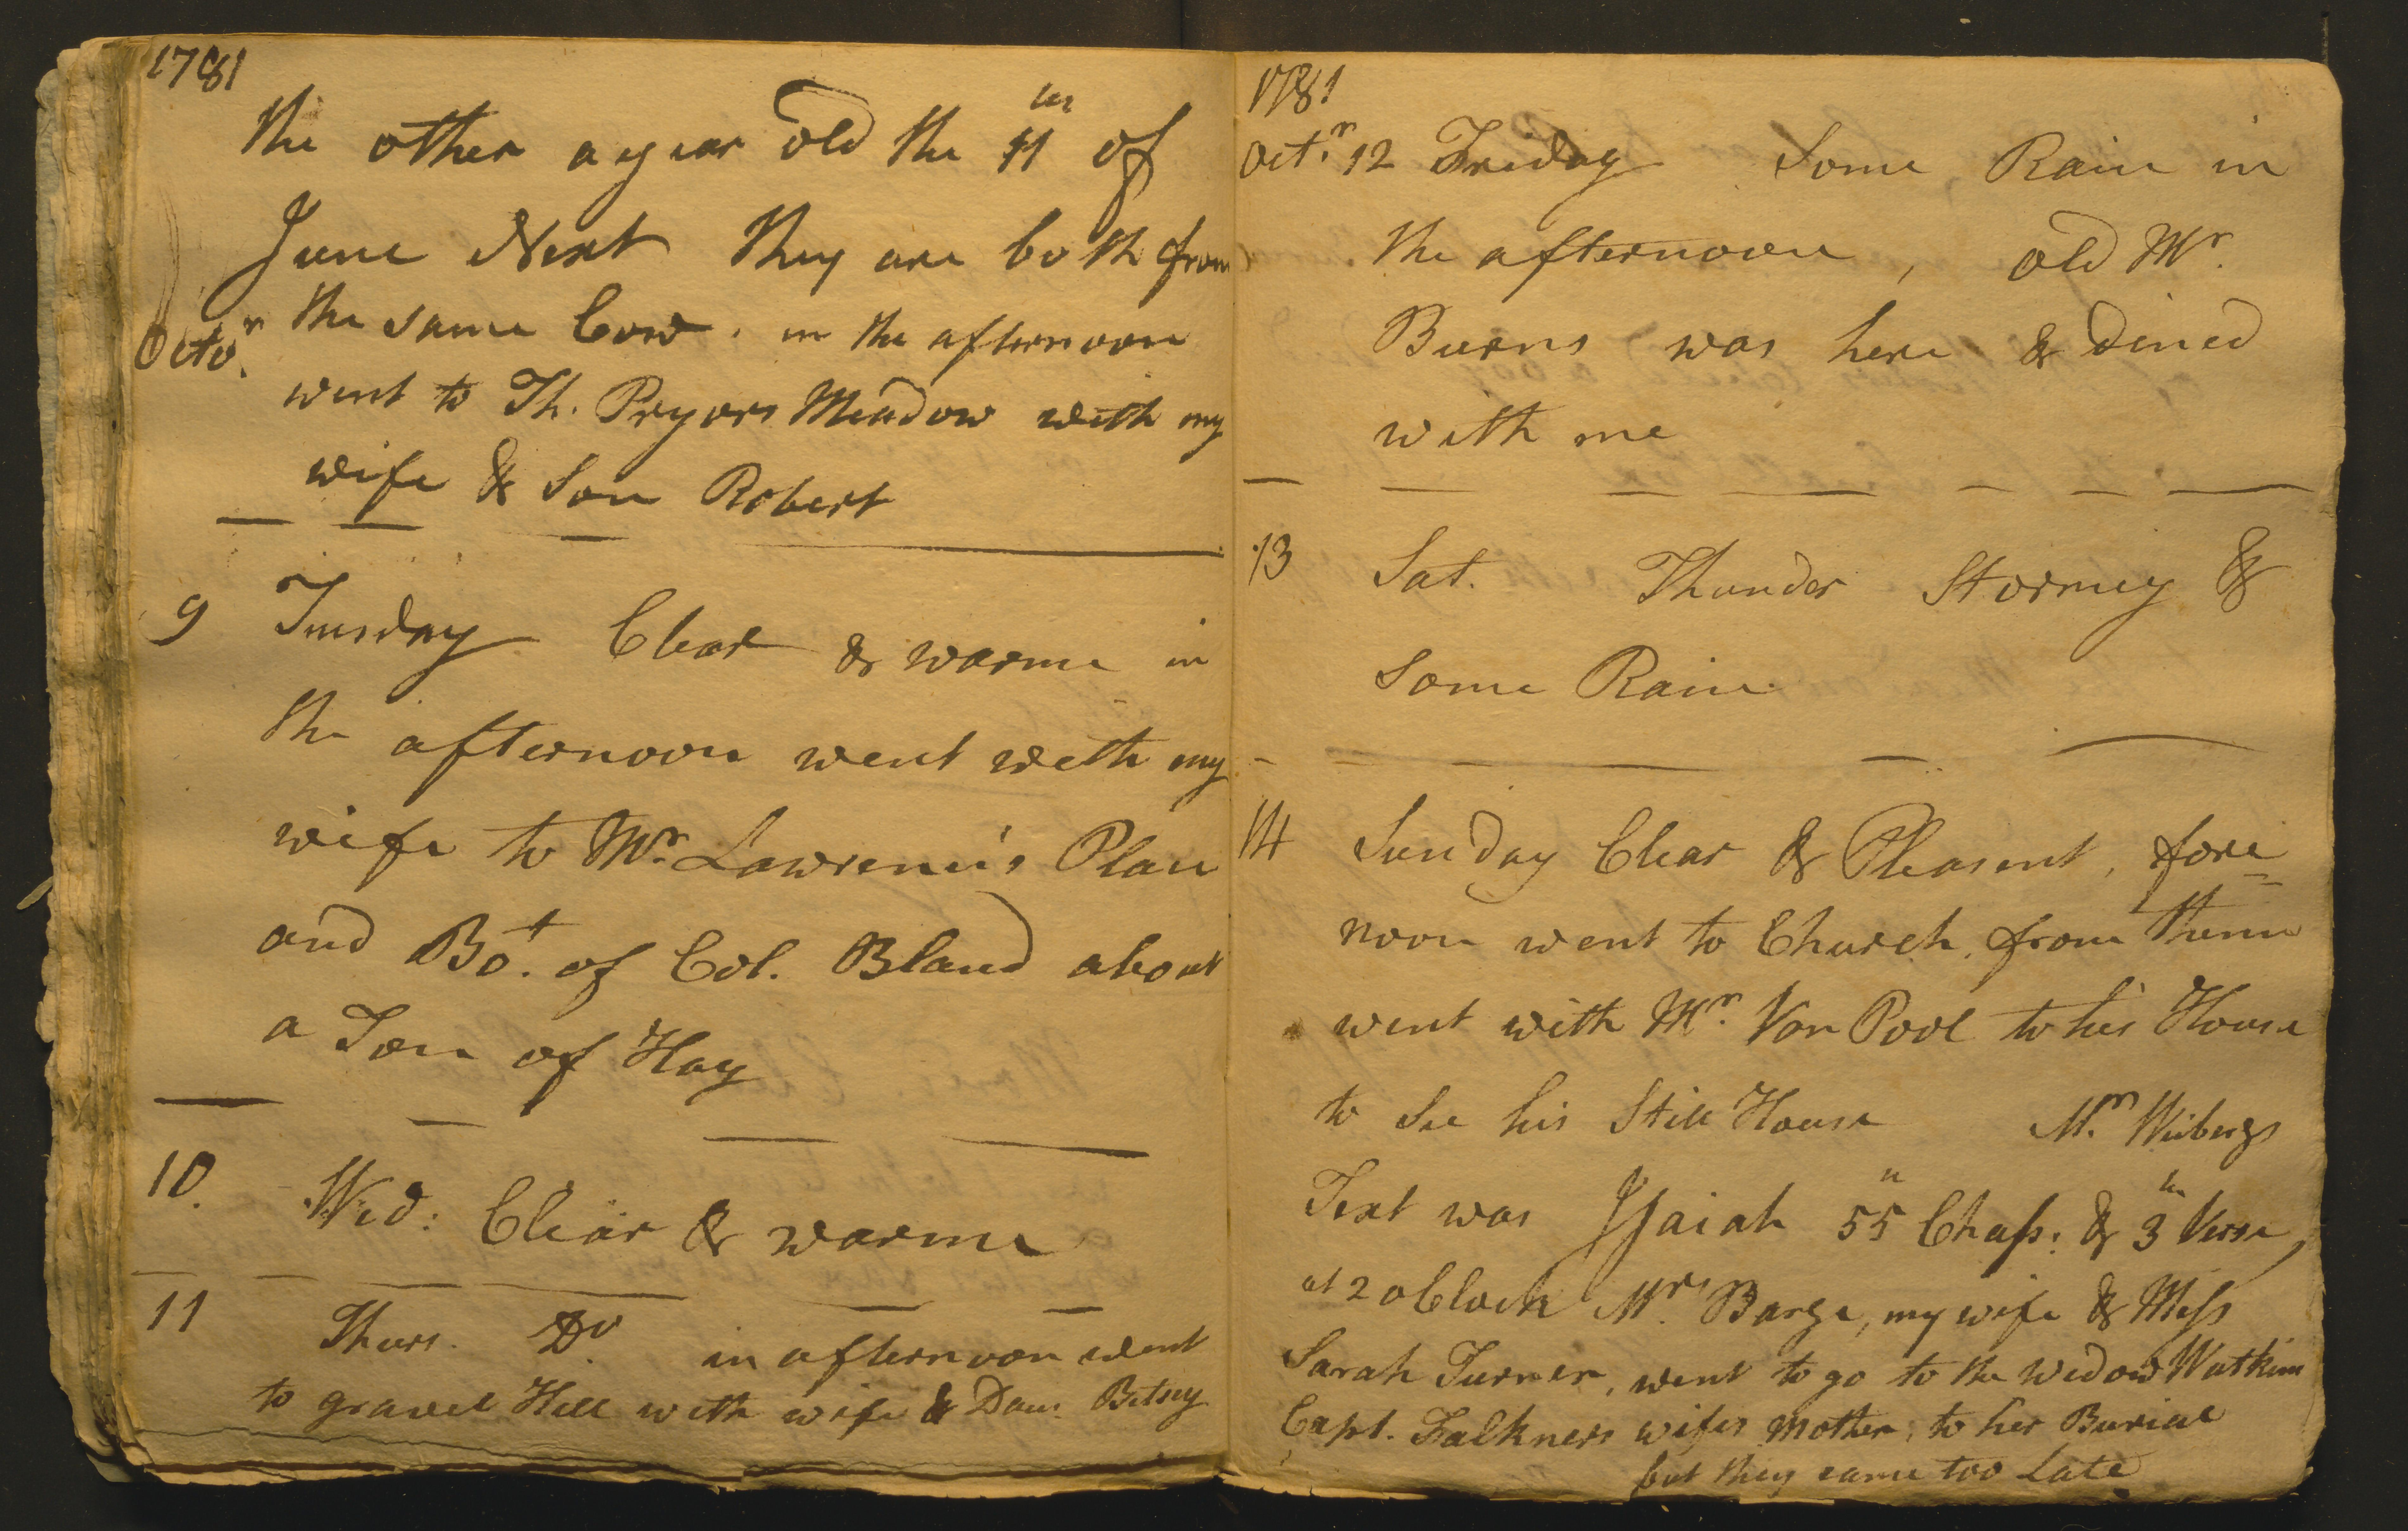1781
the other a year old the 11^th of
June Next. They are both from
the same Cow, in the afternoon
Octo^r.
went to Th. Pryors Meadow with my
wife & son Robert
9 Tuesday Clear & warme in
the afternoon went with my
wife to M^r. Lawrence's Place
and Bo^t. of Col. Bland about
a Ton of Hay
10. Wed. Clear & warme
11 Thurs. D^o. in afternoon went
to gravel Hill with wife & Daur Betsey
1781
Oct^r. 12 Friday some Rain in
the afternoon, old M^r.
Burns was here & dined
with me
13 Sat. Thunder, Stormey &
some Rain
Sunday Clear & Pleasent, fore
noon went to Church from thence
went with M^r. Von Pool to his House
to see his Still House M^r. Weibergs
Isaiah 55^th Chap. & 3^th Verse
at 2 oClock M^rs. Barge, my wife & Miss
Sarah Turner, went to go to the Widow Watkins
Capt. Falkners wites mother, to her Burial
but they came too Late